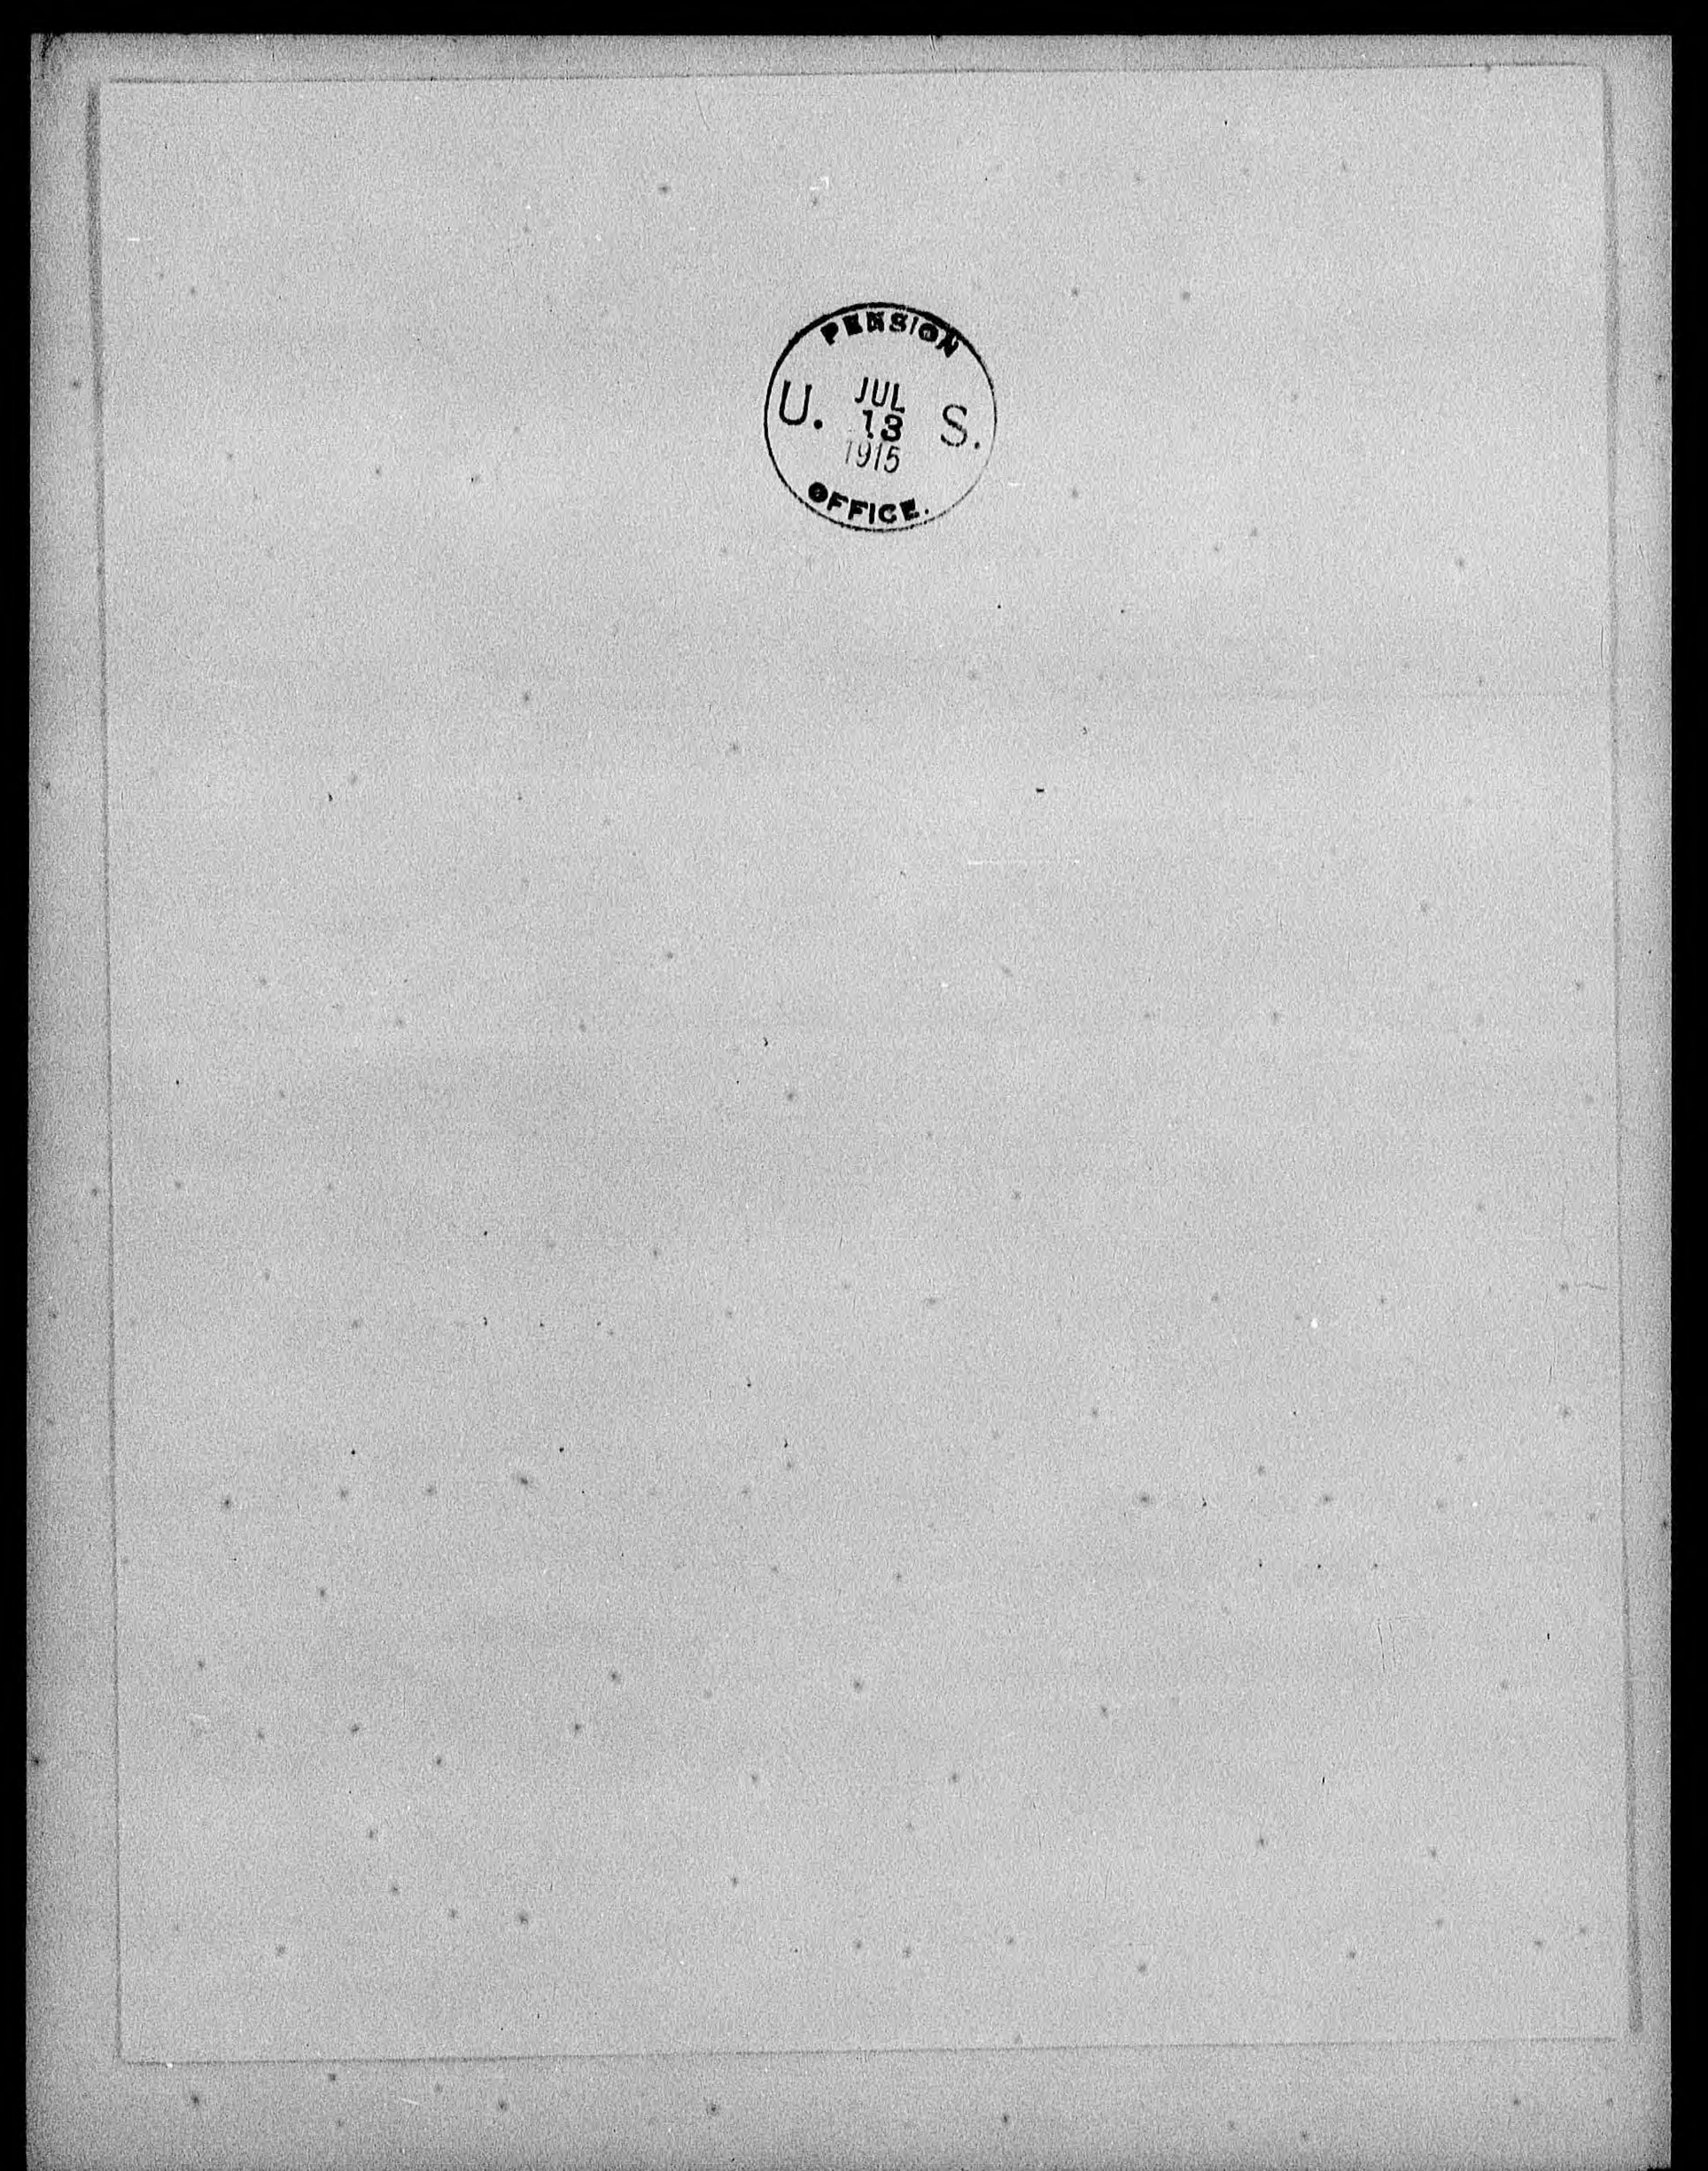U.S.
Pension
Office
Jul
13
1915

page: 21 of 27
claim: survivor's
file: S. 21,516, for Nathan Straight, Rhode Island